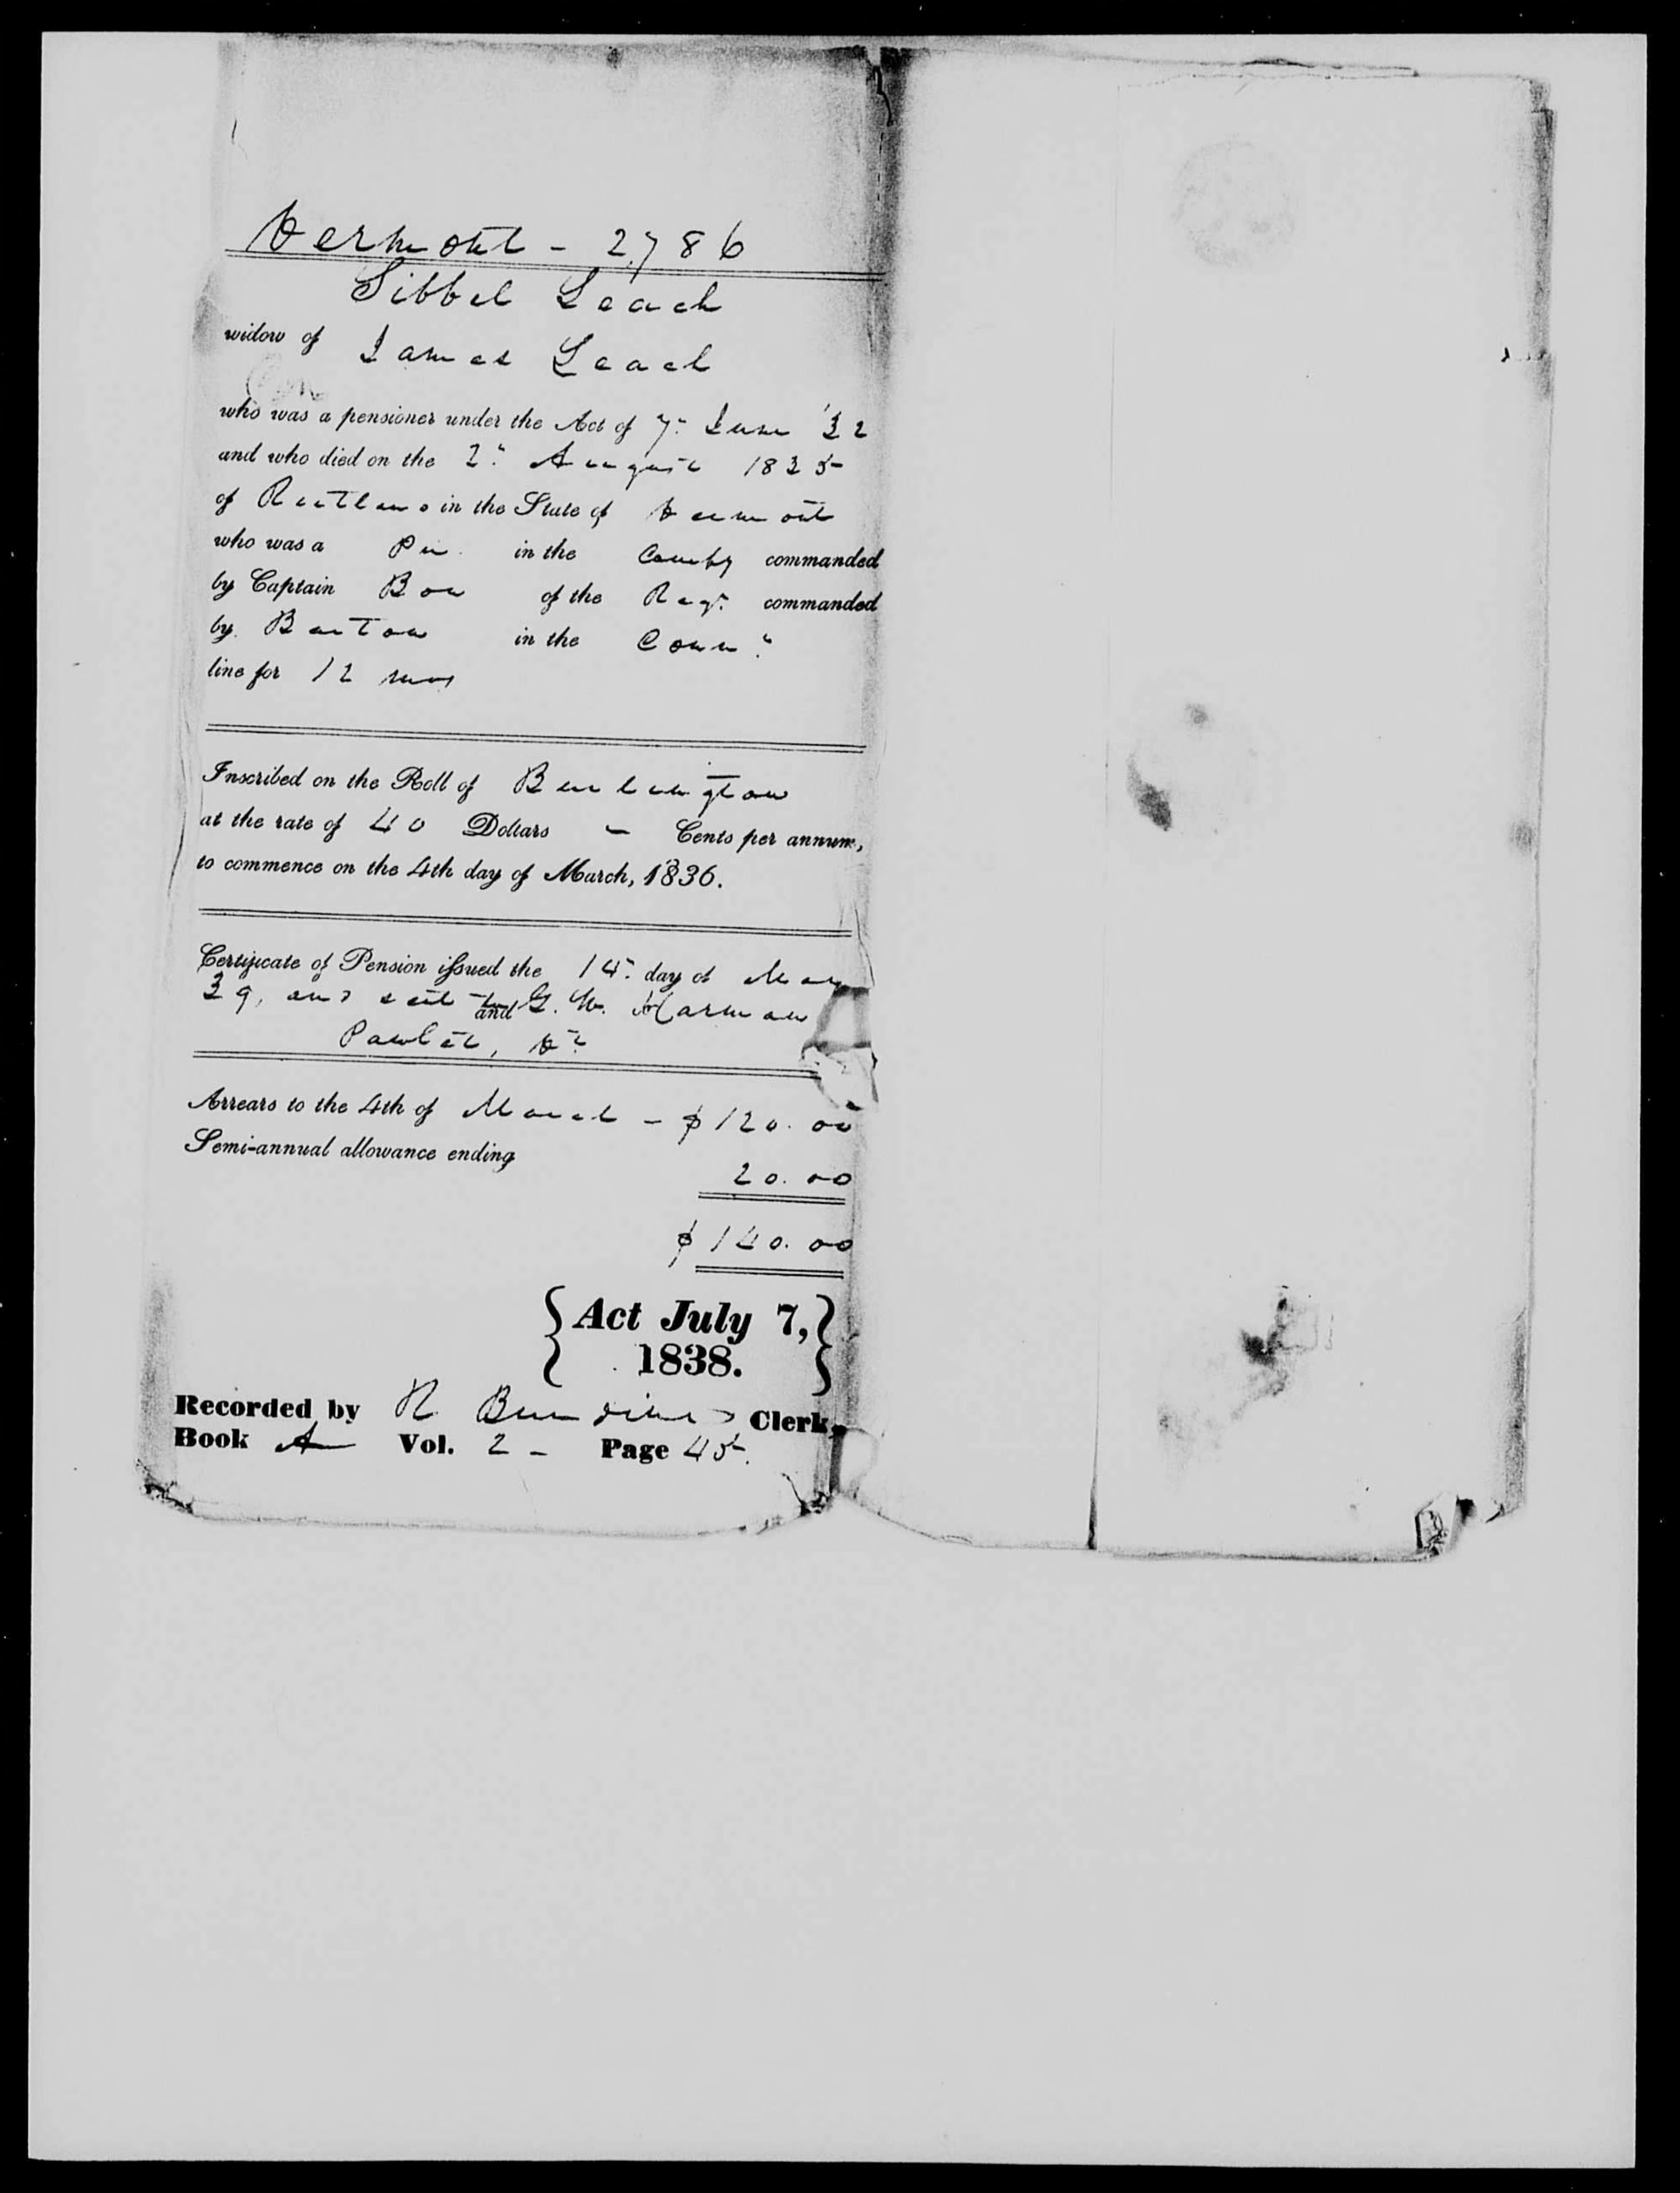Vermont - 2786
Sibbel Leach
widow of James Leach
who was a pensioner under the Act of 7th June '32 and who died on the 2nd August 1835 of Rutland in the State of Vermont who was a Pri in the Company commanded by Captain Bow of the Regt commanded by Barton in the Conn line for 12 mons
Inscribed on the Roll of Burlington at the rate of 40 Dollars - Cents per annum, to commence on the 4th day of March, 1836.
Certificate of Pension issued the 14th day of  May 39 and sent to G.W. Harman
Pawlet, Vt
Arrears to the 4th of March - $120.00
Semi-annual allowance ending 20.00
$140.00
Act July 7,
1838
Recorded by R. Burdine Clerk,
Book A Vol. 2 - Page 45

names: R Burdine; [BLANK] Boe; [BLANK] Barton; James Leach; G W Harman; Sibbel Leach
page: 2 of 27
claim: widow's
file: W. 24,500, for James Leach, Connecticut